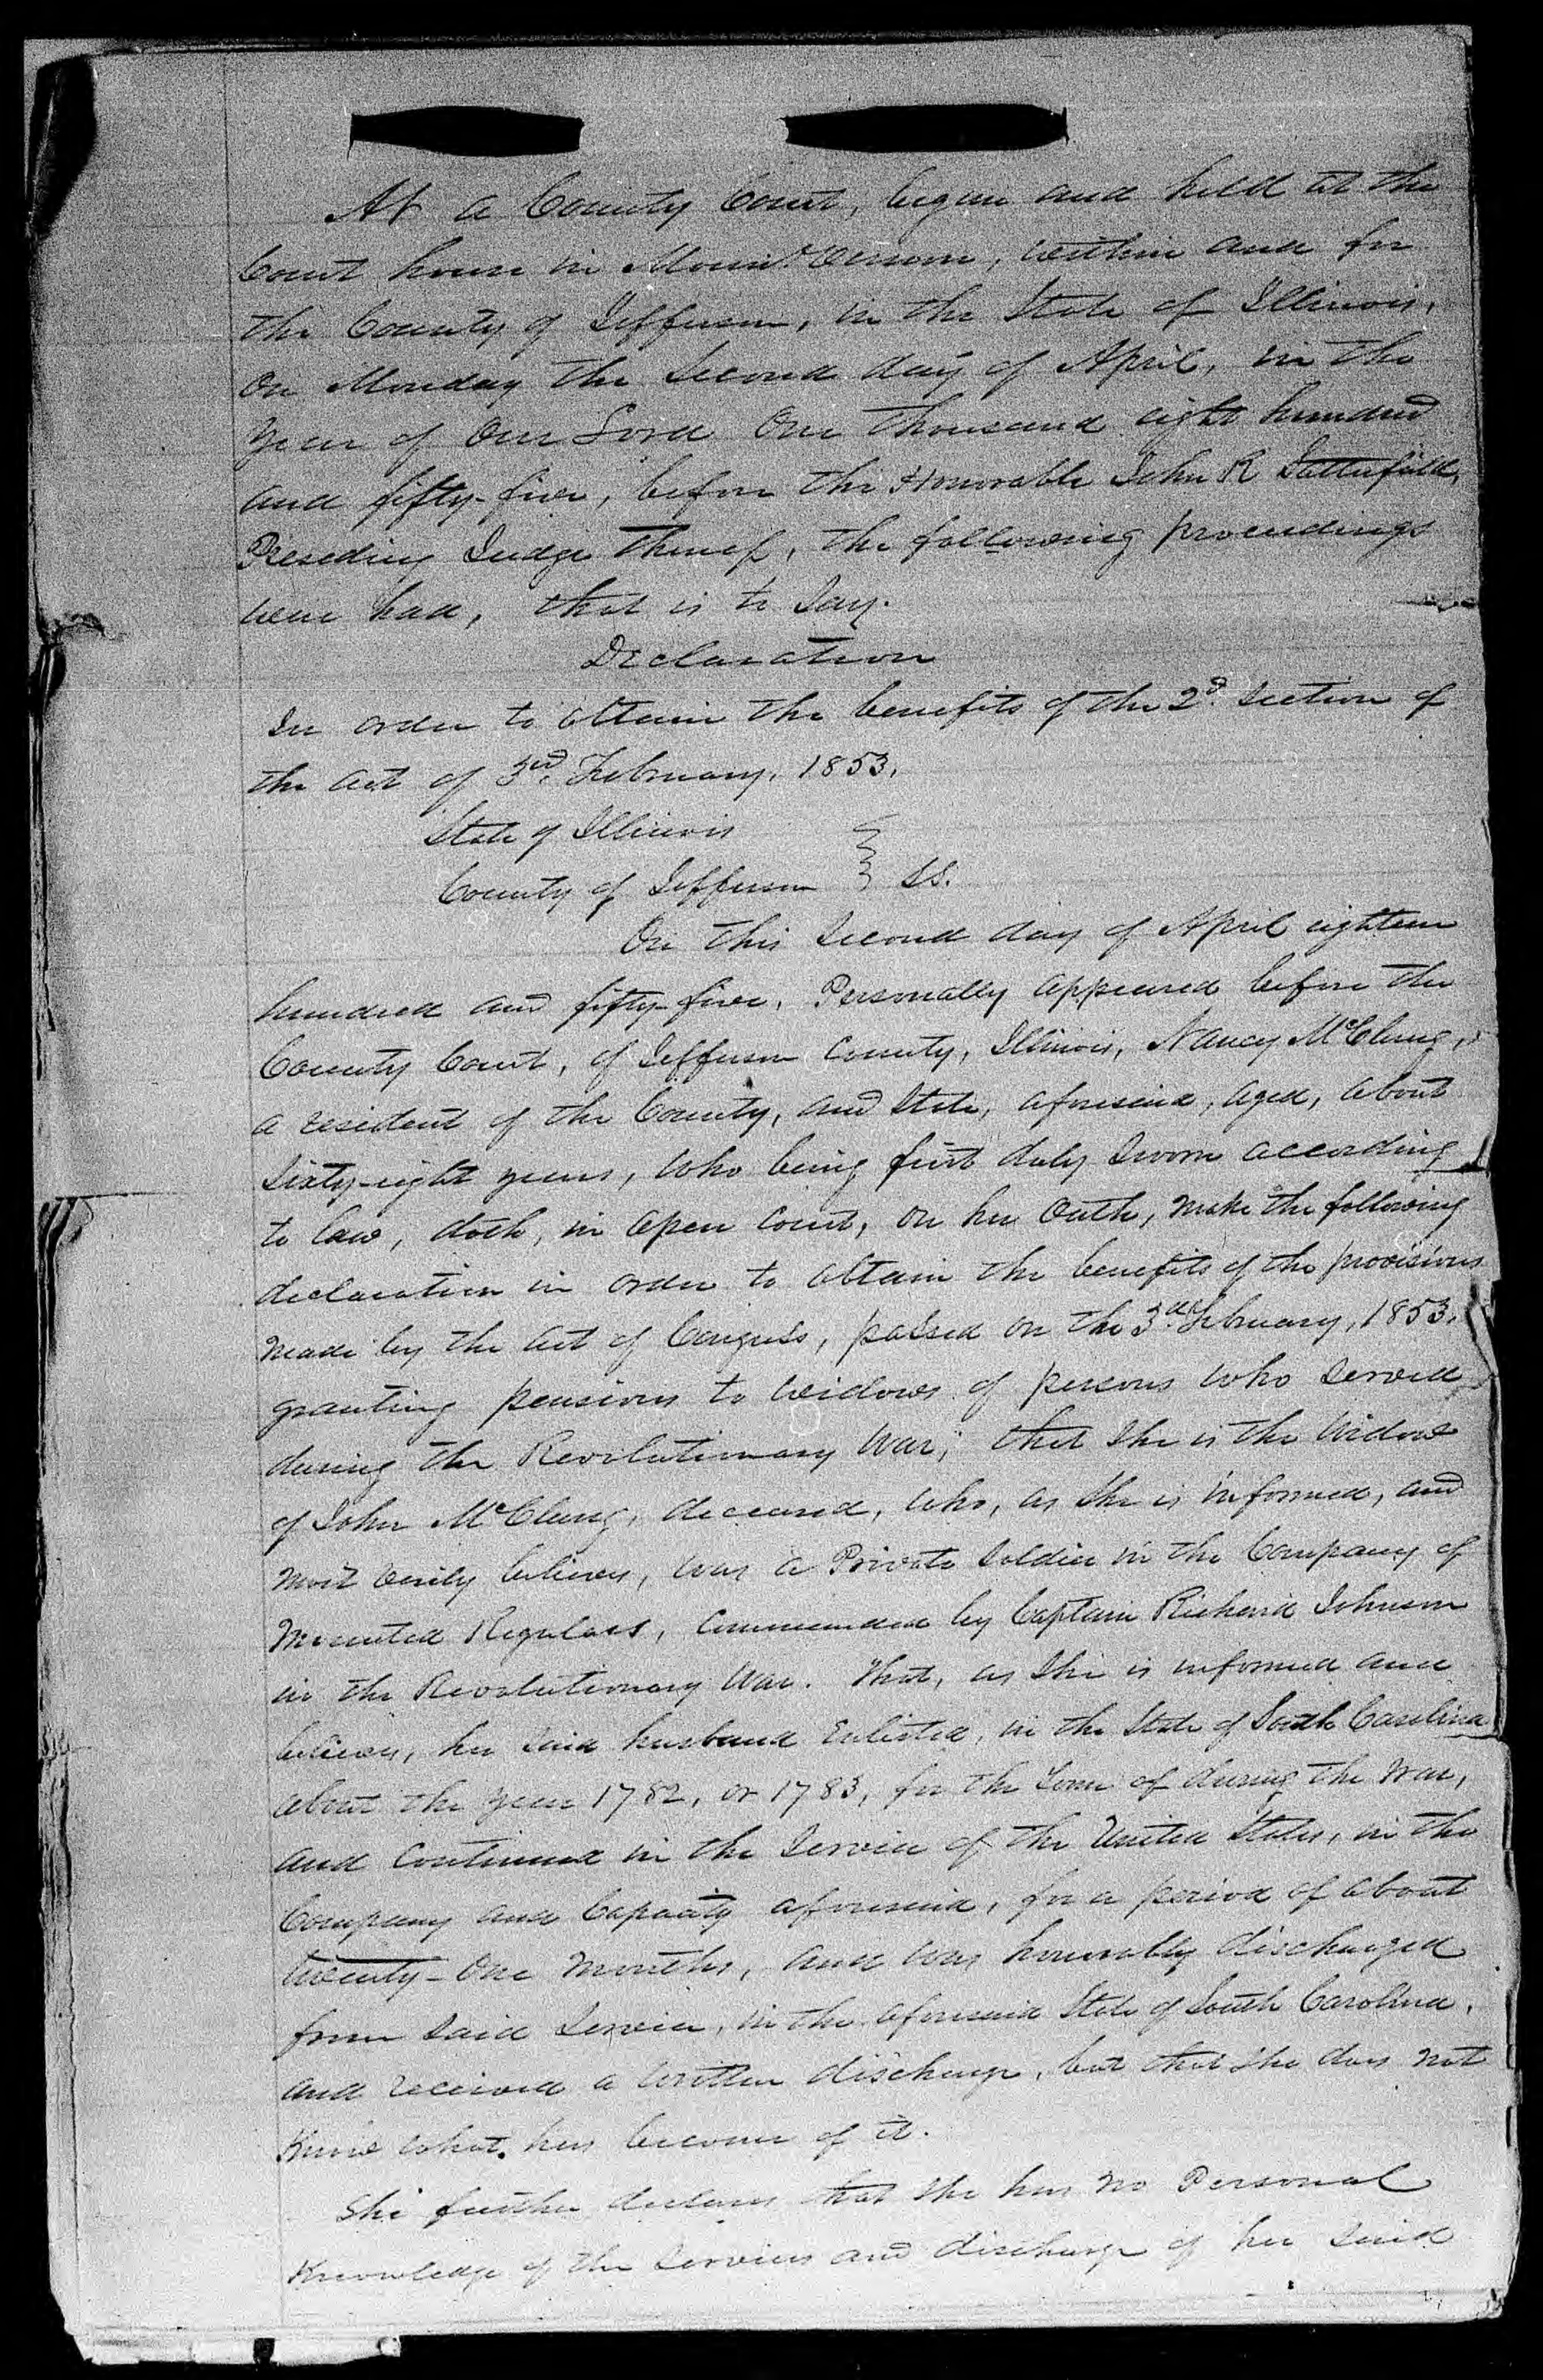At a County Court, begun and held at the Court house in Mount Vernon, within and for the County of Jefferson, in the State of Illinois On Monday the Second day of April in the year of our Lord One thousand eight hundred and fifty five, before the Honorable John R Satterfield Presiding Judge thereof, the following proceedings were had, that is to say

Declaration
In order to obtain the benefits of the 2d Section of the act of 3d February, 1853,

State of Illinois
County of Jefferson ⎬ SS.
On this second day of April eighteen hundred and fifty five, personally appeared before the County Court of Jefferson County, Illinois, Nancy McClung a resident of the County and State aforesaid, aged about Sixty eight years, who being first duly sworn according to law, doth, in open Court, on her oath, make the following declaration in order to obtain the benefits of the provisions made by the act of Congress, passed on the 3d February, 1853 granting pensions to widows of persons who served during the Revolutionary War; that she is the widow of John McClung, deceased, who, as she is informed, and most verily believes was a Private Soldier in the Company of Mounted Regulars, commanded by Captain Richard Johnson in the Revolutionary War. That, as she is informed and believes her said husband enlisted in the State of South Carolina about the year 1782, or 1783, for the term of during the war, and continued in the service of the United States in the Company and Capacity aforesaid, for a period of about twenty one months, and was honorably discharged  from said service, in the aforesaid State of South Carolina, and received a written discharge, but that she does not what has become of it

She further declares that she has no personal knowledge of the services and discharge of her said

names: Richard Johnson; Nancy Mc Clung; John R Satterfield; John Mc Clung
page: 26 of 115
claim: widow's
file: W. 1446, for John Mc Clung, South Carolina